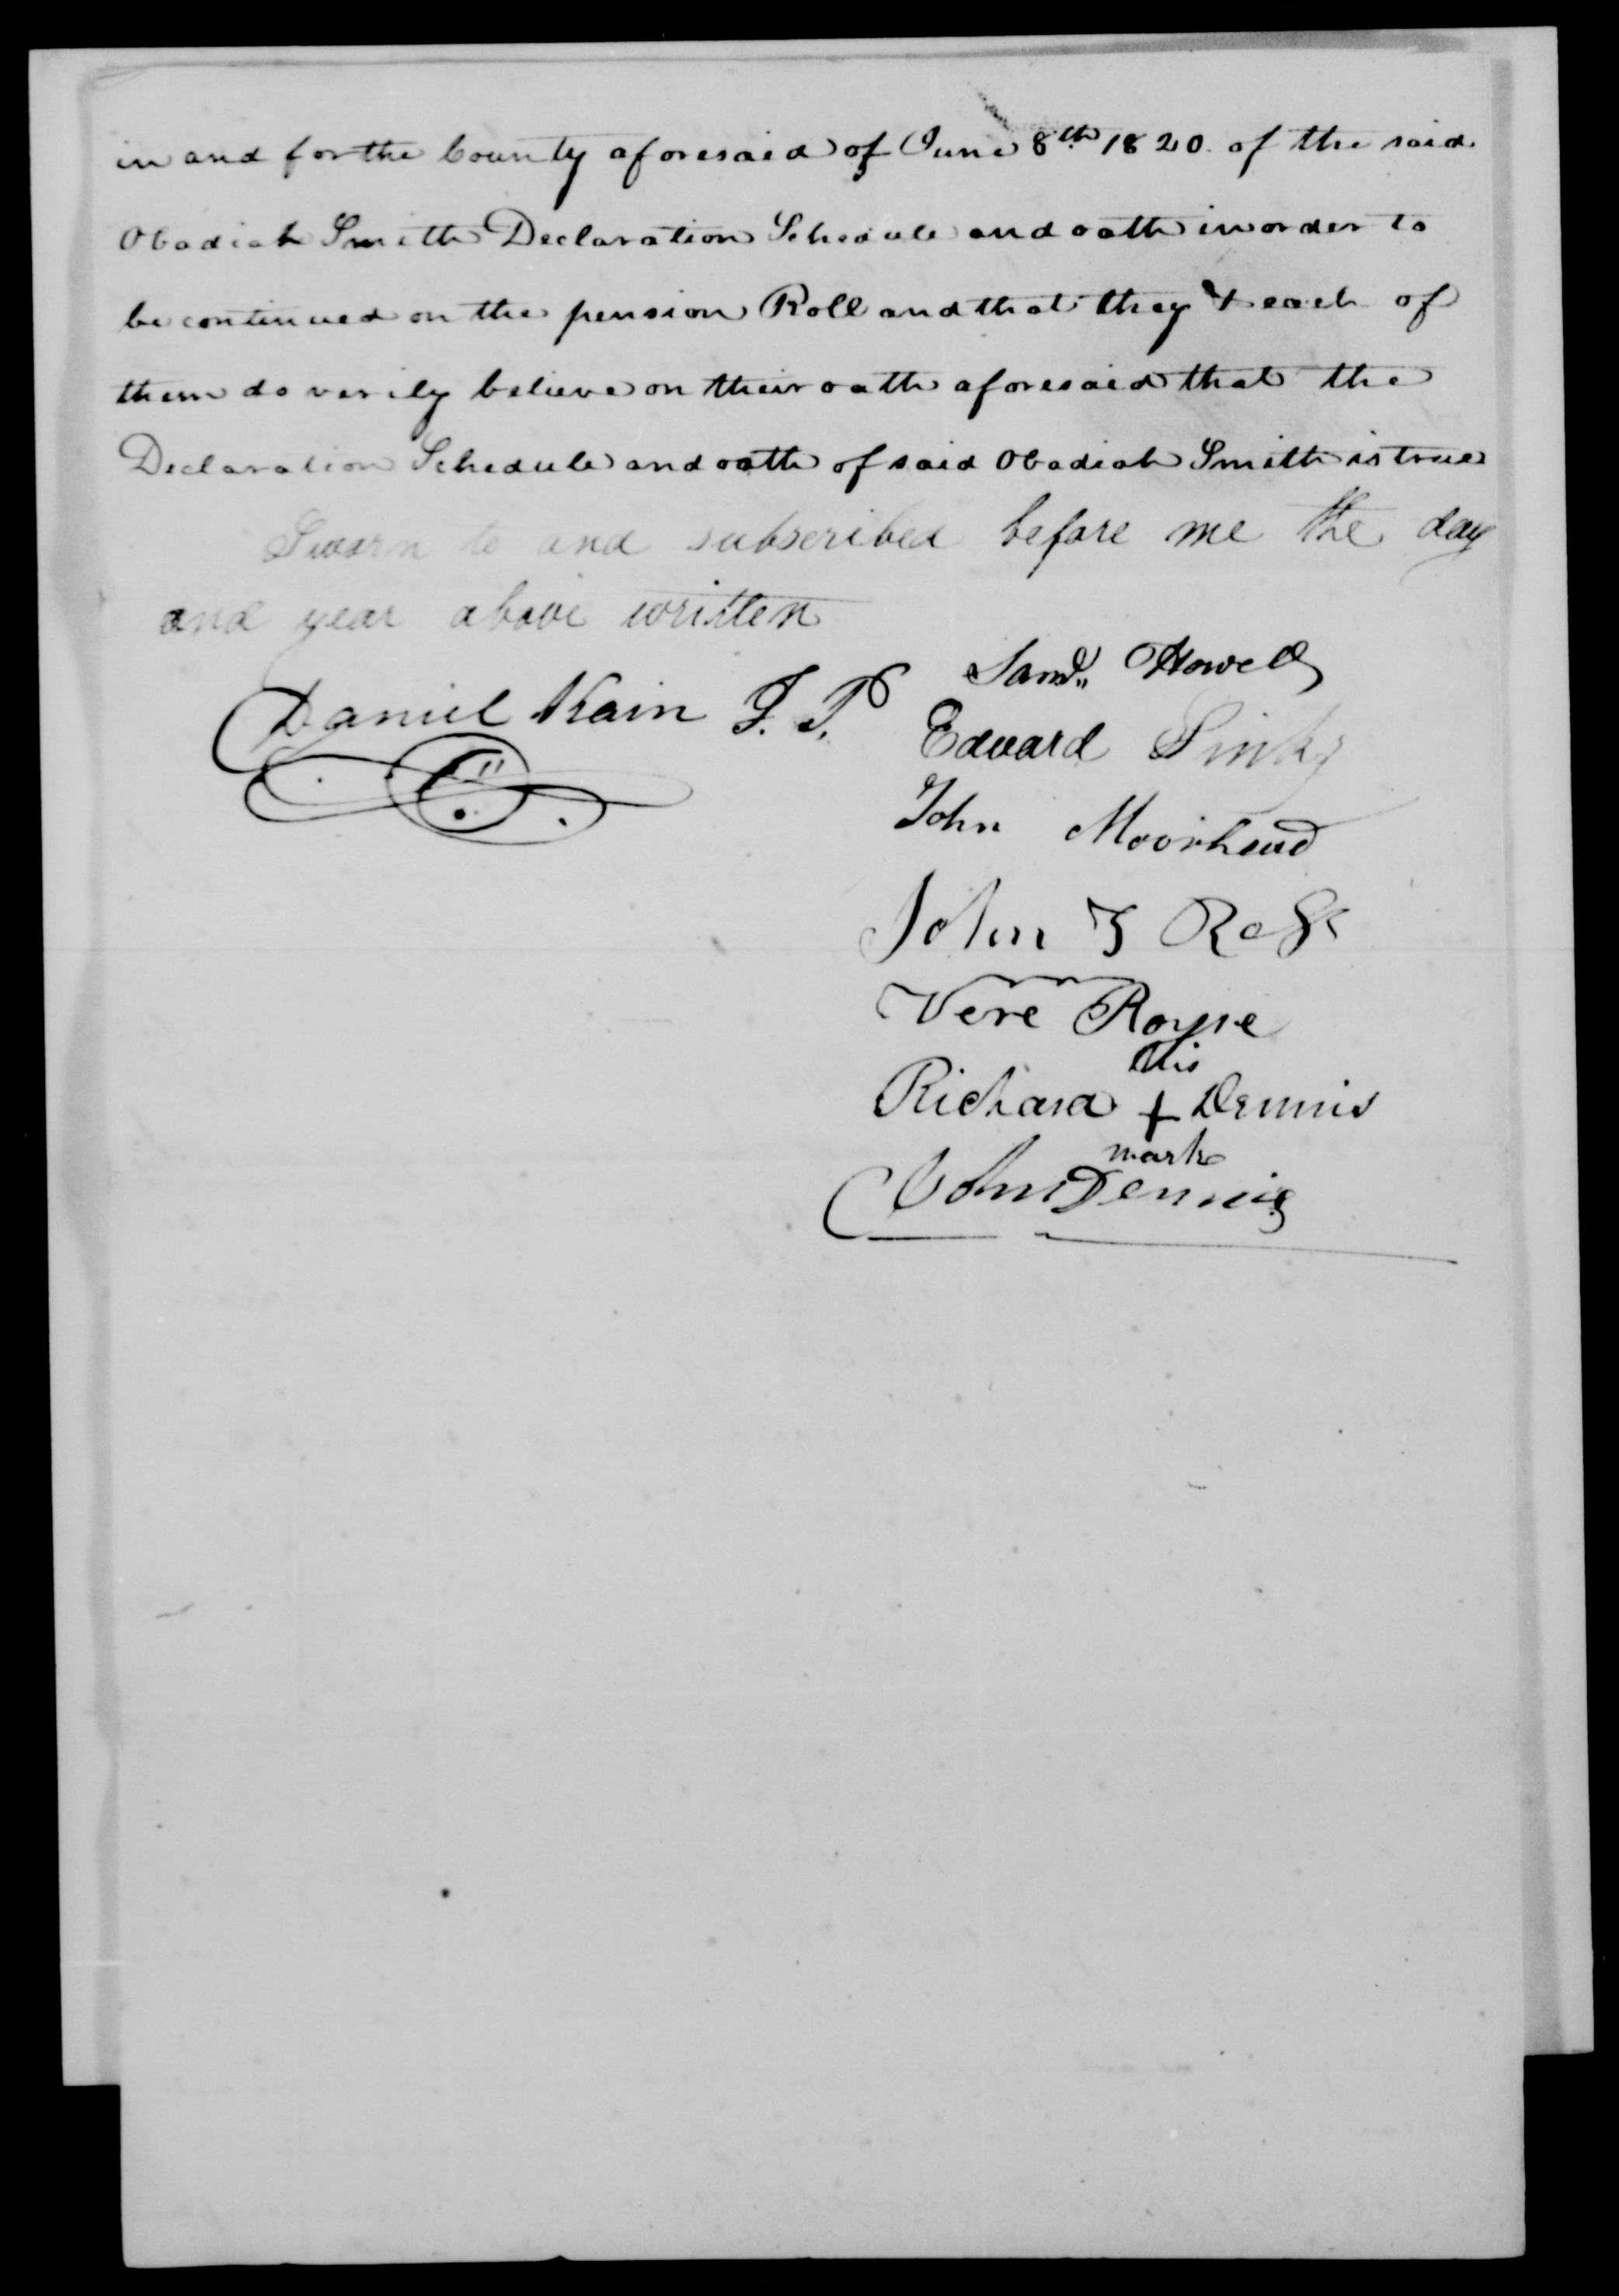in and for the County aforesaid of June 8th. 1820 of the said Obadiah Smith Declaration Schedule and oath in order to be continued on the pension Roll and that they & each of them do verily believe on their oath aforesaid that the Declaration Schedule and oath of said Obadiah Smith is true. 
Sworn to and subscribed before me the day and year above written 
[signature:] Daniel Kain J. P. 
[signature:] Saml. Howell 
[signature:] Edward Sinks 
[signature:] John Moorhead 
[signature:] John T Ross 
[signature:] Vere Royse 
his X mark Richard Dennis 
[signature:] John Dennis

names: Saml Howell; John T Ross; Richard Dennis; Vere Royse; John Moorhead; Obadiah Smith; Edward Sinks; Obadiah Smith; John Dennis; Daniel Kain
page: 56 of 66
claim: survivor's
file: S 40458, for Obadiah Smith, New York